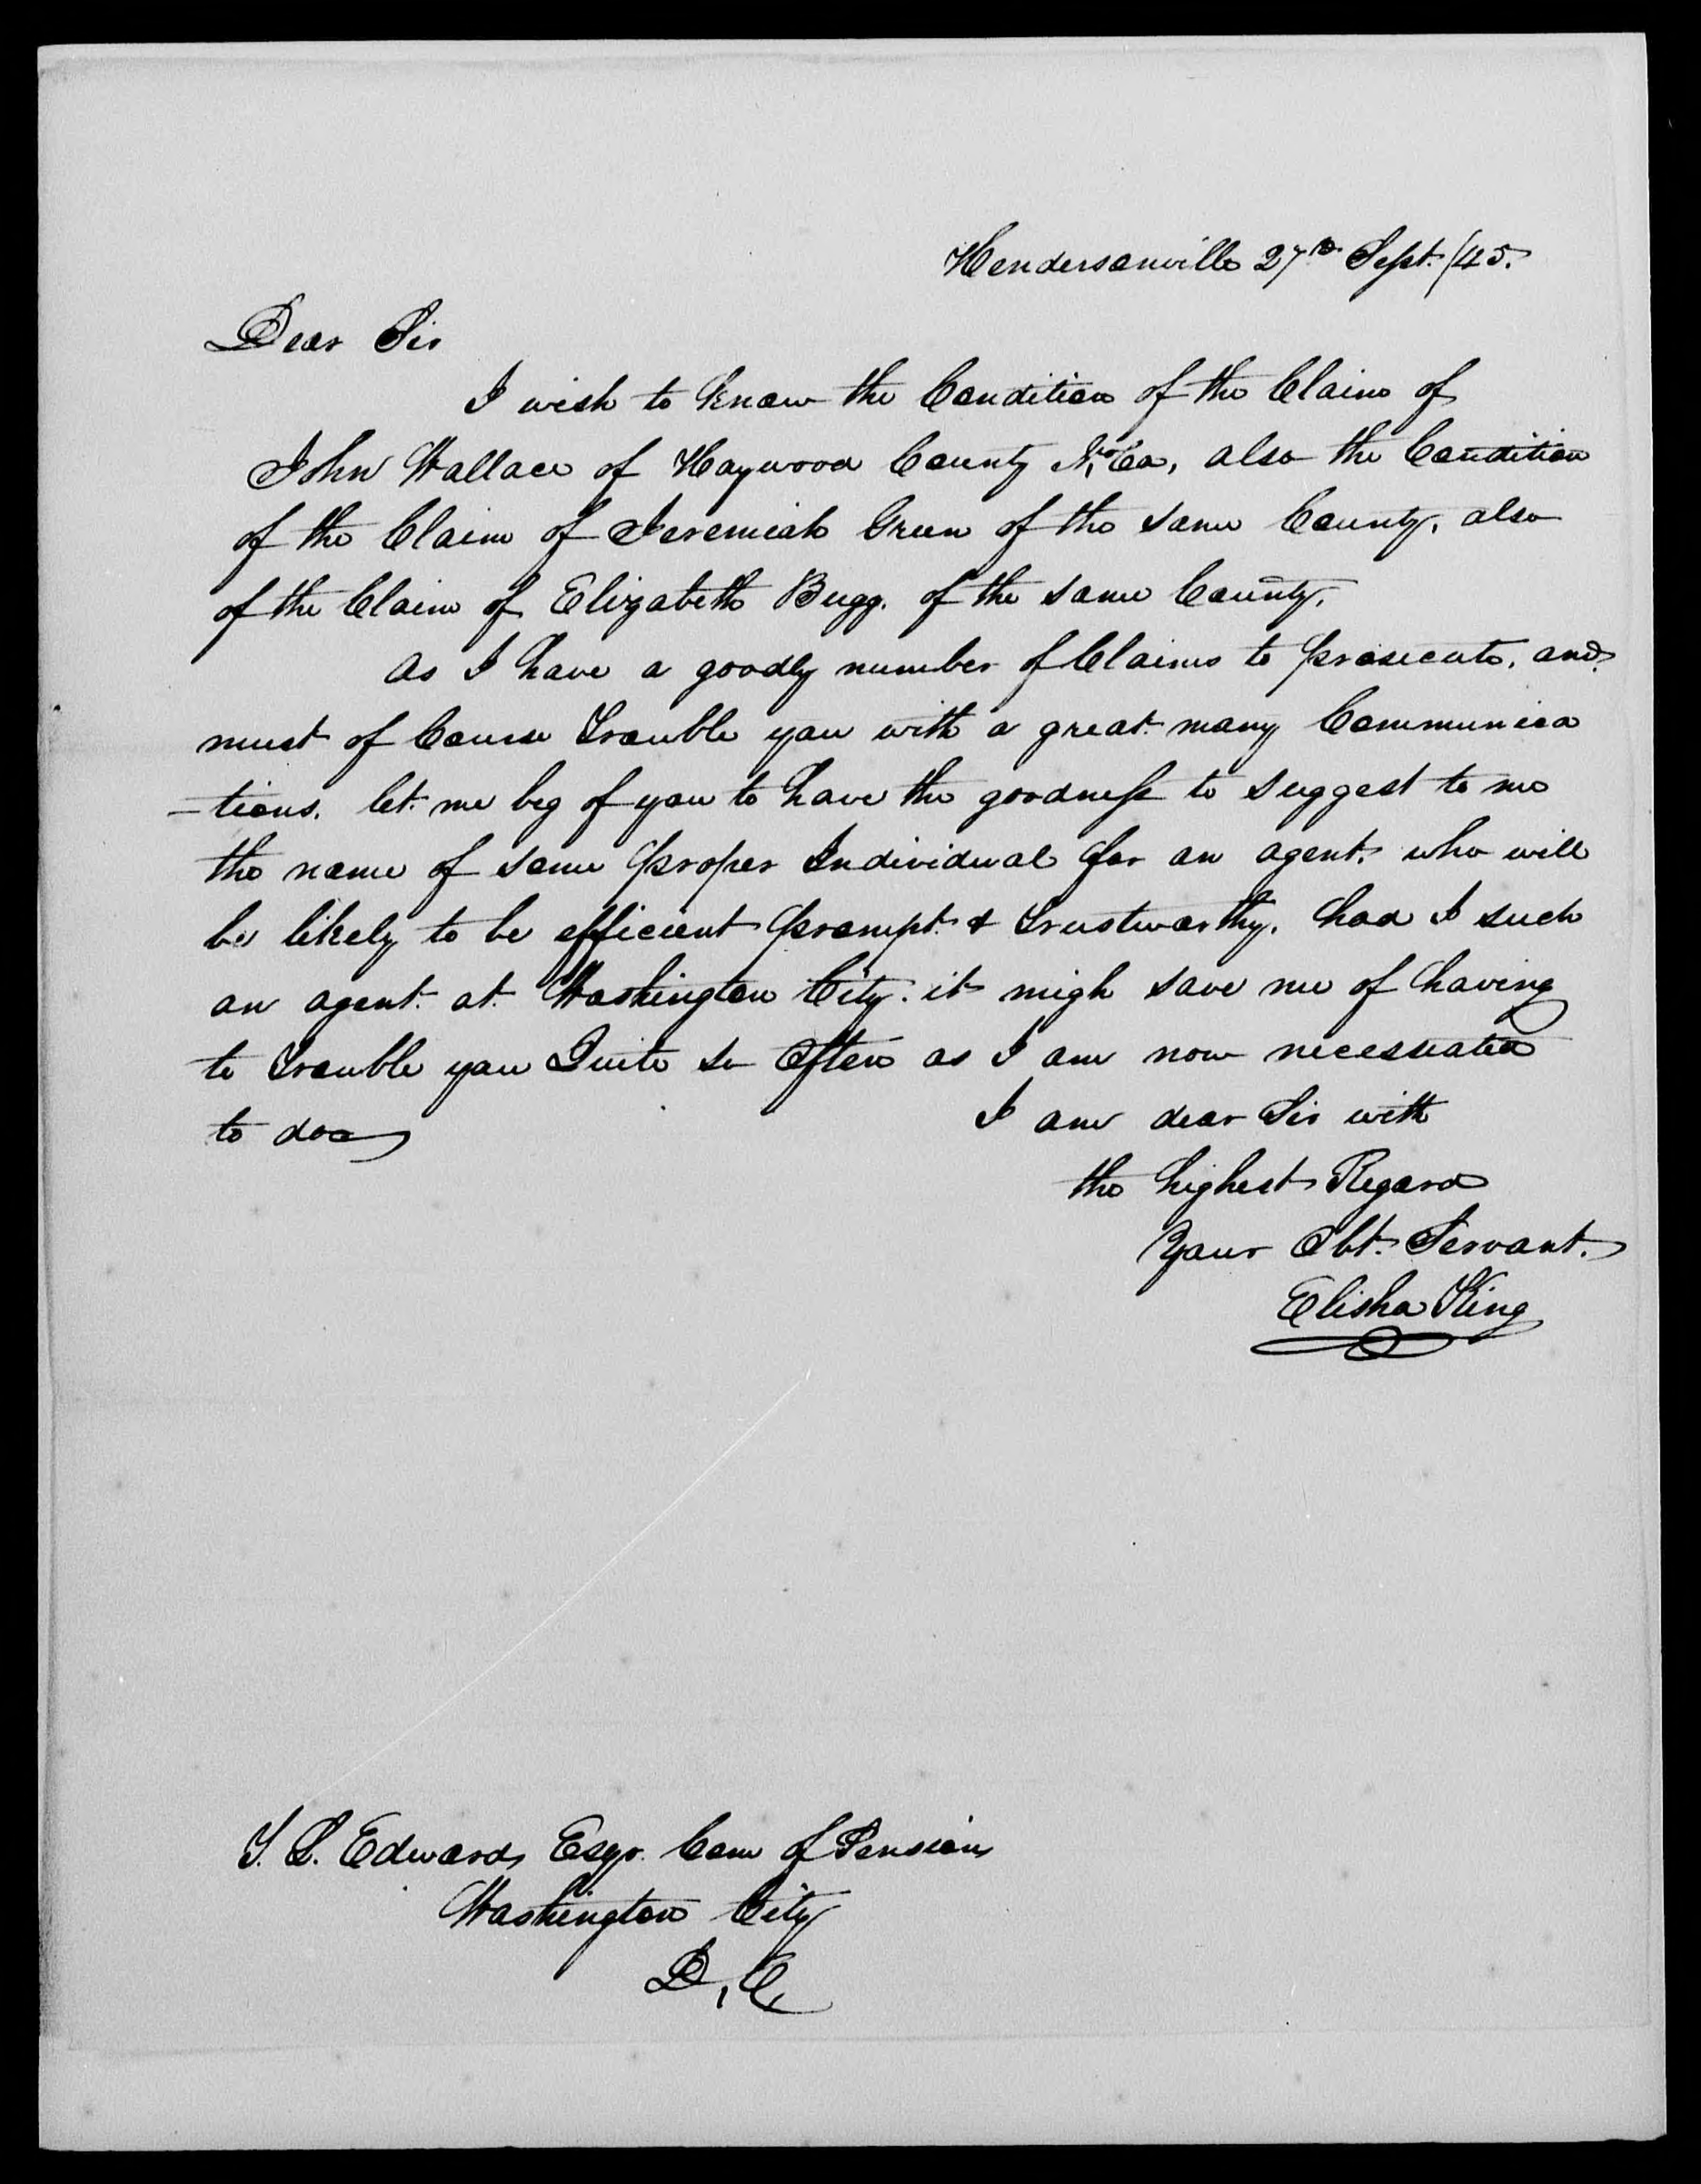Hendersonville 27th Sept./45. [1845.]

Dear Sir

I wish to know the Condition of the Claim of John Wallace of Haywood County, No,Ca, [North Carolina] also the Condition of the Claim of Jeremiah Green of the same County, also of the Claim of Elizabeth Bugg. of the same County,

As I have a goodly number of Claims to prosecute, and must of Course Trouble you with a great many Communications. let me beg of you to have the goodness to Suggest to me the name of some proper Individual for an agent. who will be likely to be efficient prompt. & Trustworthy, had I such an agent. at. Washington City. it migh save me of having to Trouble you Quite so Often as I am now necessiated to do

I am dear Sir with the highest Regard
Your Obt. [Obediant.] Servant.
Elisha King
[flourish]


[The following two initials could be read as S. L. or possibly Y. L., or  Y. S. or J. S. or J. L., but probably meant J. L. for James L.] Edwards Esqr. Com [Commissioner] of Pensions
Washington City
D,C,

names: J L Edwards, Jeremiah Green, John Wallace, Elisha King, Elizabeth Bugg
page: 32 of 50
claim: widow's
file: W. 898, William Bugg, N.C.